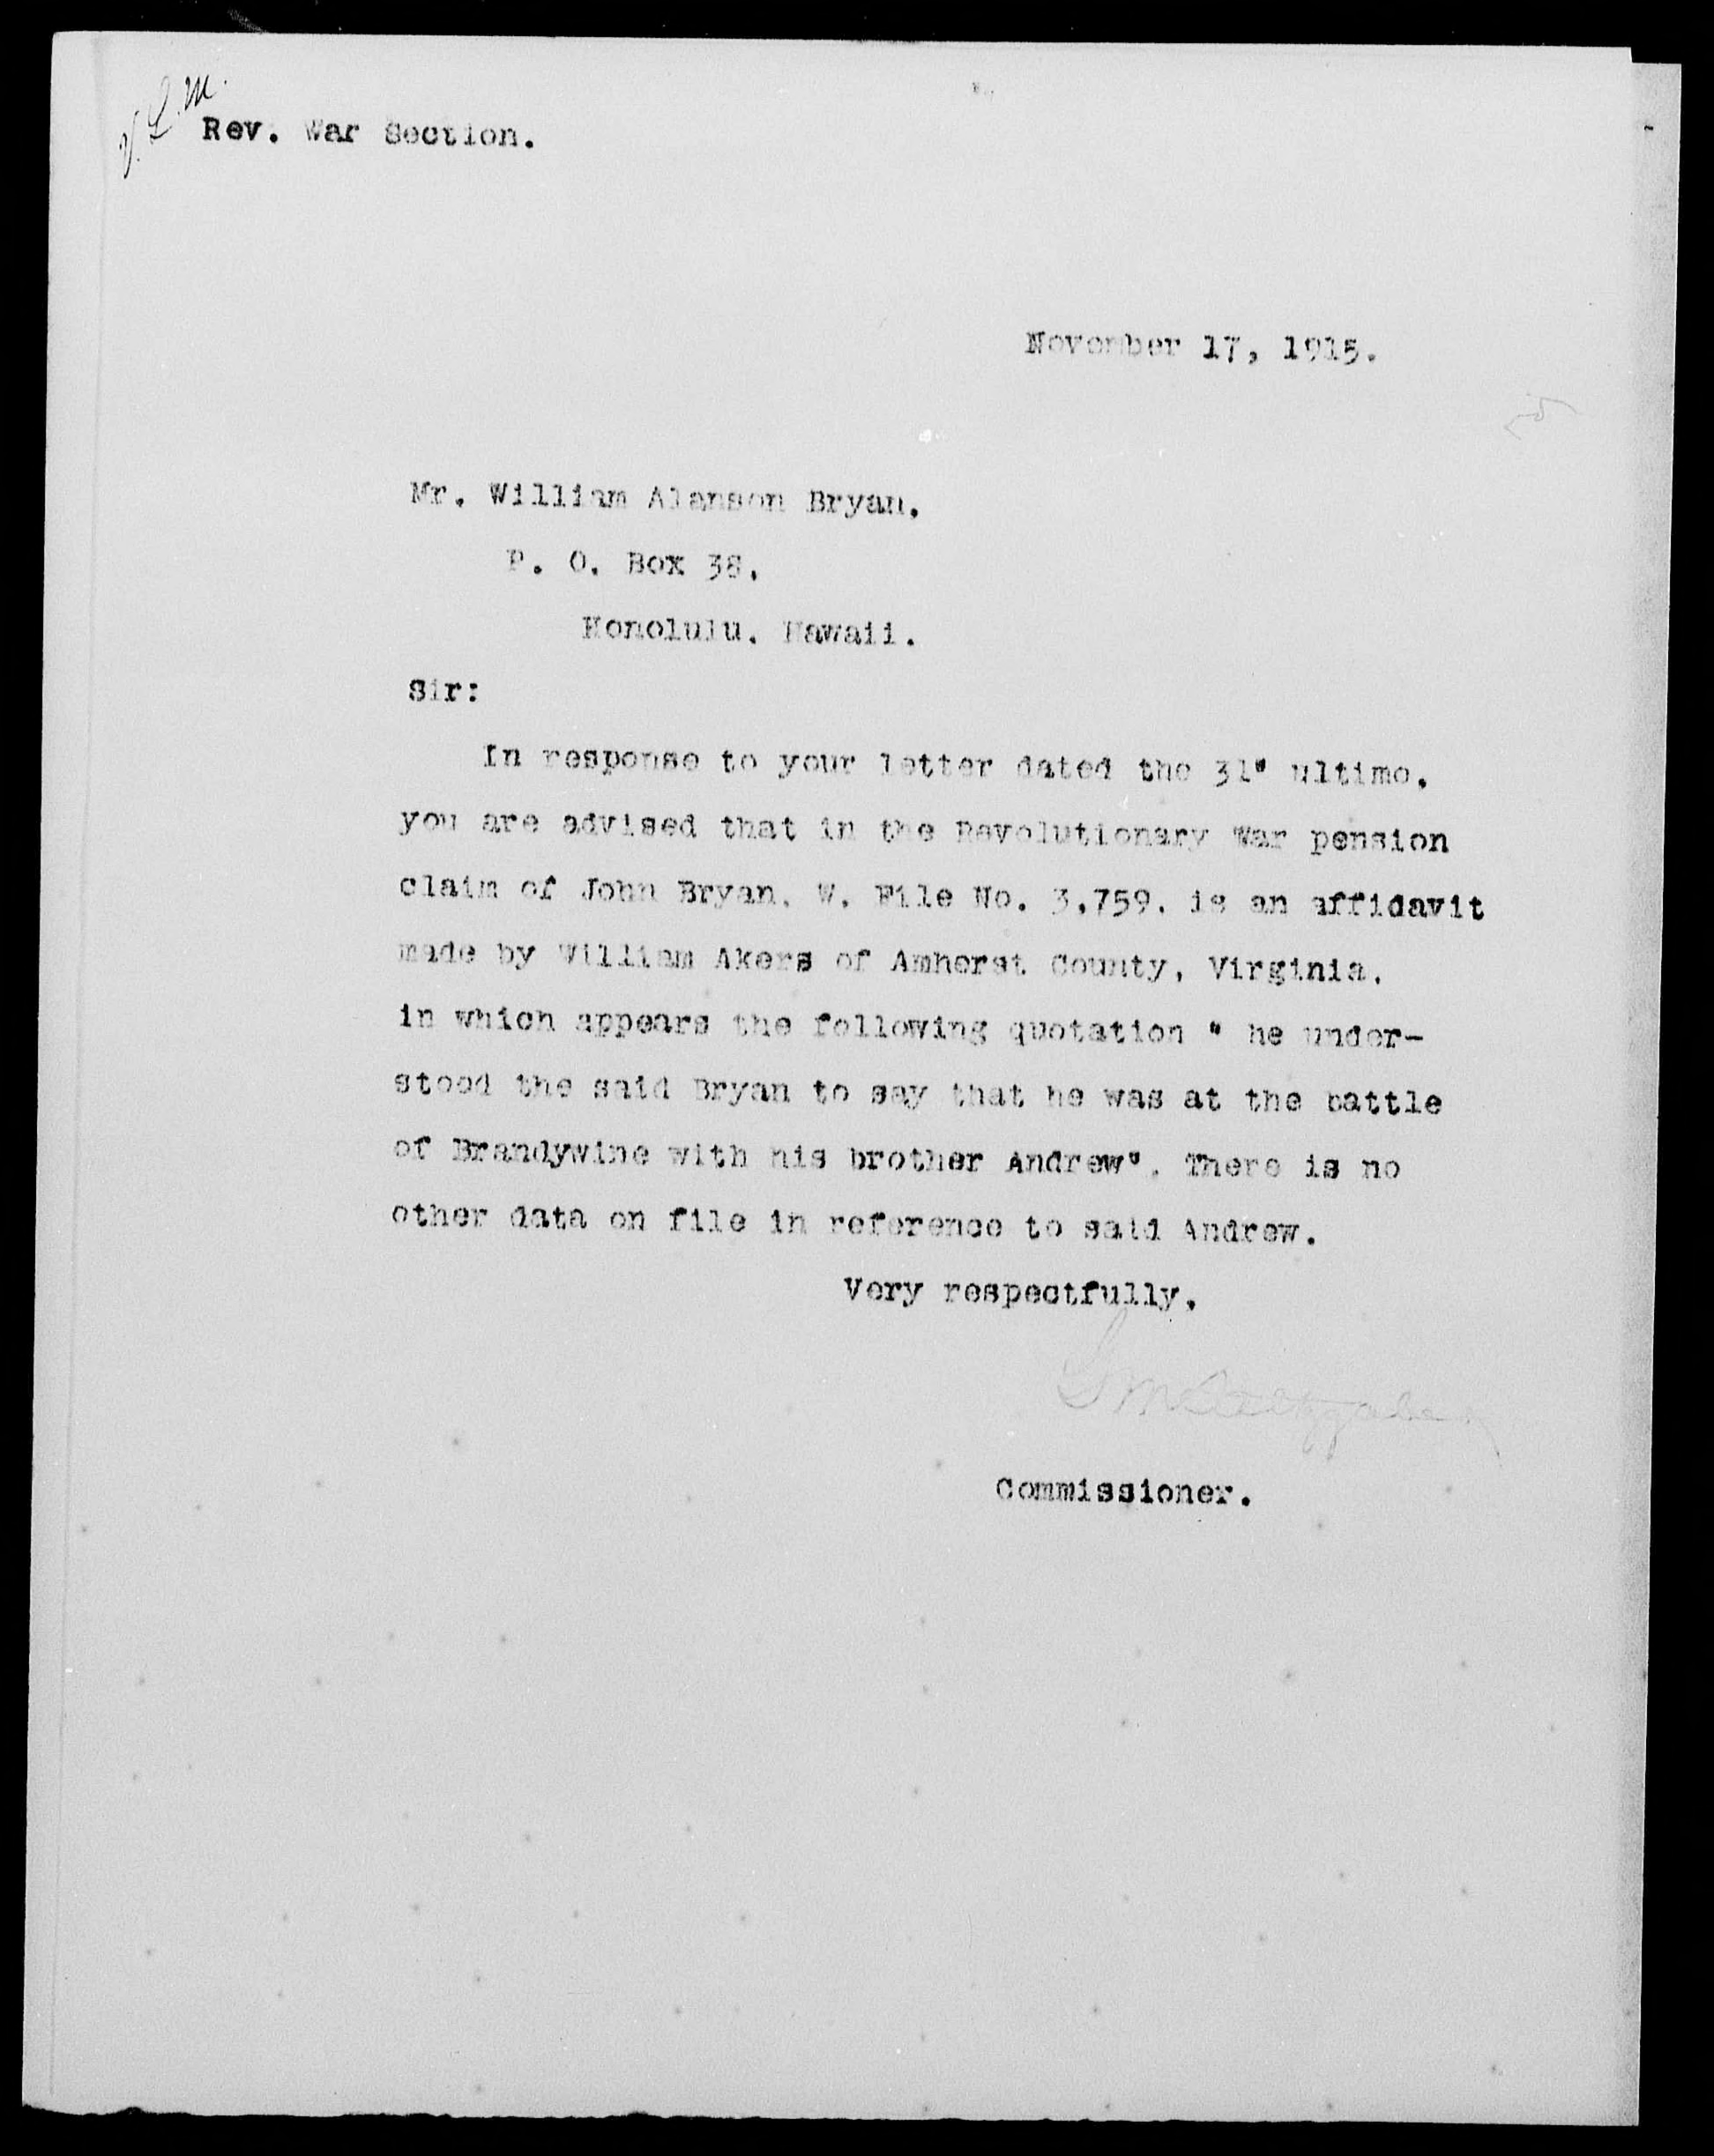V.L.M. Rev. War Section. 

November 17, 1915.

Mr. William Alanson Bryan. 
P.O. Box 36. 
Honolulu. Hawaii. 

Sir: 
In response to your letter dated the 31 ultimo. you are advised that in the Revolutionary War pension claim of John Bryan. W. File No. 3.759 is an affidavit made by William Akers of Amherst County. Virginia. In which appears the following quotation “ he understood the said Bryan to say that he was at the battle of Brandywine with his brother Andrew. There is no other data on file in reference to said Andrew. 

Very respectfully, 

Emergency

Commissioner.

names: William Akers, Andrew, William Alanson Bryan, Andrew, John Bryan, Bryan, G M Saltzgaber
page: 29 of 31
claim: widow's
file: W. 3759, John Bryan, Va.